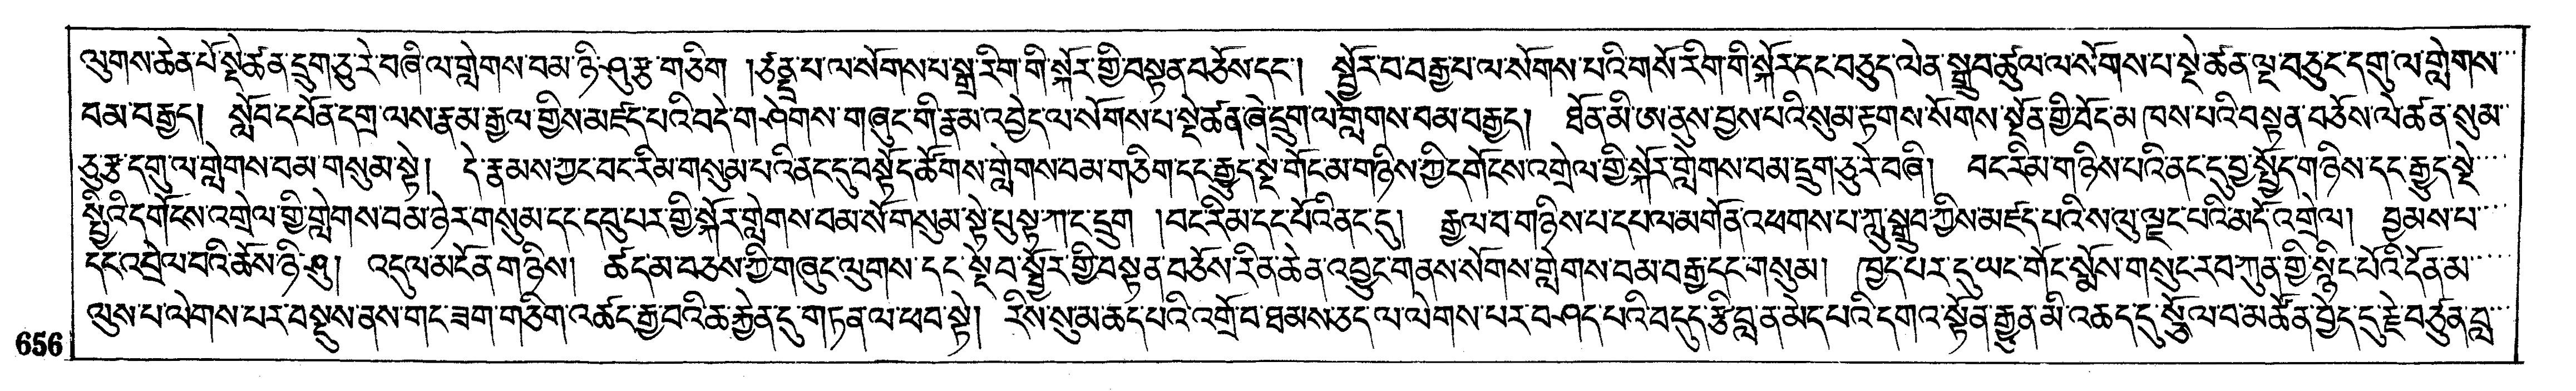ལུགས་ཆེན་པོ་སྡེ་ཚན་དྲུག་ཅུ་རེ་བཞི་ལ་གླེགས་བམ་ཉི་ཤུ་རྩ་གཅིག །ཙནྡྲ་པ་ལ་སོགས་བསྒྲ་རིག་གི་སྐོར་གྱི་བསྟན་བཅོས་དང་། སྦྱོར་བ་བརྒྱ་པ་ལ་སོགས་པའི་གསོ་རིག་གི་སྐོར་དང་བཅུད་ལེན་སྒྲུབ་ཚུལ་ལ་སོགས་པ་སྡེ་ཚན་ལྔ་བཅུ་ང་དགུ་ལ་གླེགས་
བམ་བརྒྱད། སློབ་དཔོན་དགྲ་ལས་རྣམ་རྒྱལ་གྱིས་མཛད་པའི་བདེ་གཤེགས་གཞུང་གི་རྣམ་འབྱེད་ལ་སོགས་པ་སྡེ་ཚན་ཞ་དྲུག་ལ་གླེགས་བམ་བརྒྱད། ཐོན་མི་ཨ་ནུས་བྱས་པའི་སུམ་རྟགས་སོགས་སྔོན་གྱི་བོད་མཁས་པའི་བསྟན་བཅོས་ལེ་ཚན་སུམ་
ཅུ་རྩ་དགུ་ལ་གླེགས་བམ་གསུམ་སྟེ། དེ་རྣམས་ཀྱང་བང་རིམ་གསུམ་པའི་ནང་དུ་བསྟོད་ཚོགས་གླེགས་བམ་གཅིག་དང་རྒྱུད་སྡེ་གོང་མ་གཉིས་ཀྱི་དགོངས་འགྲེལ་གྱི་སྐོར་གླེགས་བམ་དྲུག་ཅུ་རེ་བཞི། བང་རིམ་གཉིས་པའི་ནང་དུ་བྱ་སྤྱོད་གཉིས་དང་རྒྱུད་སྡེ་
སྦྱིའི་དགོངས་འགྲེལ་གྱི་གླེགས་བམ་ཉེར་གསུམ་དང་དབུ་ཕར་གྱི་སྐོར་གླེགས་བམ་སོ་གསུམ་སྟེ་བུ་སྟ་ཀ་ང་དྲུག །བང་རིམ་དང་པོའི་ནང་དུ། རྒྱལ་བ་གཉིས་པ་དཔལ་མགོན་འཕགས་པ་ཀླུ་སྒྲུབ་ཀྱིས་མཛད་པའི་ས་ལུ་ལྗང་བའི་མདོ་འགྲེལ། བྱམས་པ་
དང་འབྲེལ་བའི་ཆོས་ཉི་ཤུ། འདུལ་མངོན་གཉིས། ཚད་མ་བཅས་ཀྱི་གཞུང་ལུགས་དང་སྡེབ་སྦྱོར་གྱི་བསྟན་བཅོས་རིན་ཆེན་འབྱུང་གནས་སོགས་གླེགས་བམ་བརྒྱ་དང་གསུམ། ཁྱད་པར་དུ་ཡང་གོང་སྨོས་གསུང་རབ་ཀུན་གྱི་སྙིང་པོའི་དོན་མ་
ལུས་པ་ལེགས་པར་བསྡུས་ནས་གང་ཟག་གཅིག་འཚང་རྒྱ་བའི་ཆ་རྐྱེན་དུ་གཏན་ལ་ཕབ་སྟེ། རིས་སུ་མ་ཆད་པའི་འགྲོ་བ་ཐམས་ཅད་ལ་ལེགས་པར་བཤད་པའི་བདུད་རྩི་བླ་ན་མེད་པའི་དགའ་སྟོན་རྒྱུན་མི་འཆད་དུ་སྩོལ་བ་མཚོན་བྱེད་དུ་རྗེ་བཙུན་བླ་